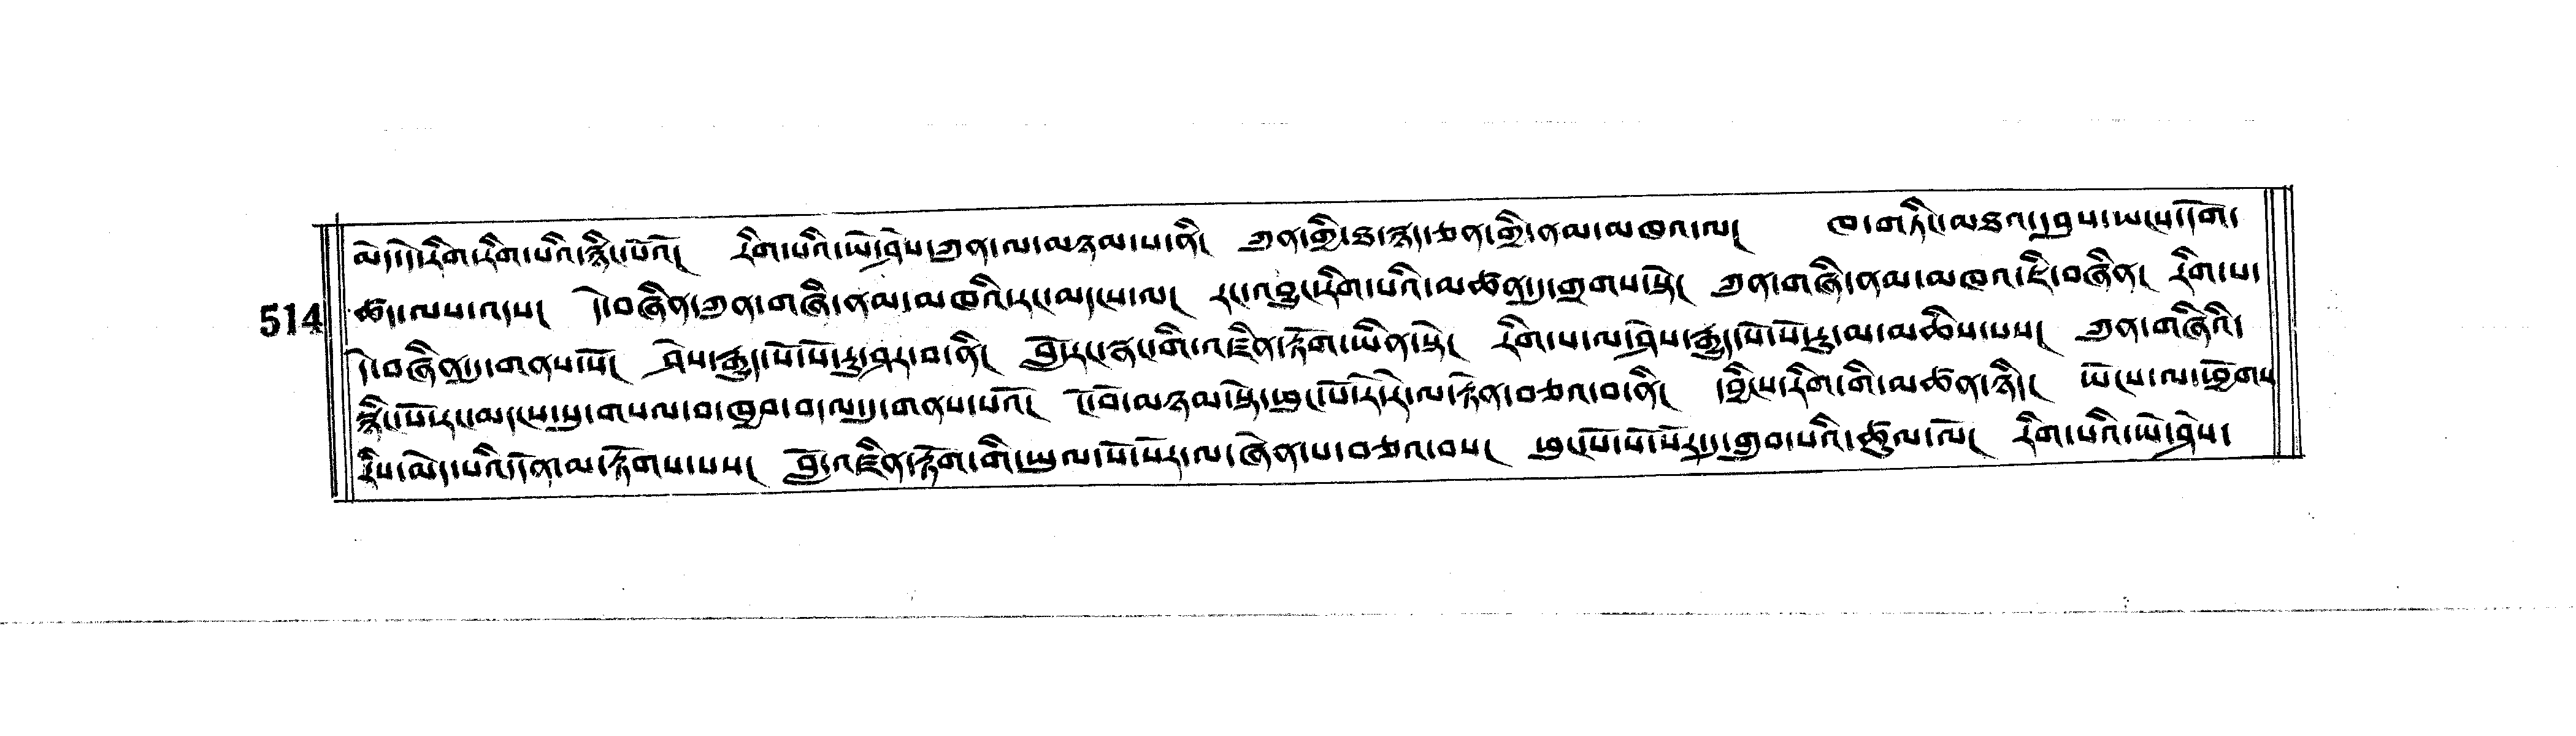མེད་དེ་རིག་རིག་པའི་སྙིང་པོའོ། རིག་པའི་ཡེ་ཤེས་ཀུན་ལ་མཉམ་པ་ནི། ཀུན་གྱི་ཐ་སྙད་ཅན་གྱི་ནམ་མཁའ་ལ། ཁ་གཏིང་མཐའ་དབུས་ཡང་དོག་
ཚད་ལས་འདས། དེ་བཞིན་ཀུན་གཞི་ནམ་མཁའི་རང་མདངས་ལ། རང་འབྱུང་རིག་པའི་མཚན་དུ་གྲགས་ཏེ། ཀུན་གཞི་ནམ་མཁའ་ཇི་བཞིན། རིག་པ་
དེ་བཞིན་དུ་གནས་སོ། ཤེས་རྒྱུད་སོ་སོ་རུ་ཤར་བ་ནི། བློ་རང་སྣང་གི་འཛིན་རྟོག་ཡིན་ཏེ། རིག་པ་མ་ཤེས་རྒྱུད་སོ་སོ་རུ་མ་མཆིས་པས། ཀུན་གཞིའི་
སྙིང་པོ་རང་མདངས་སུ་གསལ་བ་ཁྱབ་བདལ་དུ་གནས་པའོ། ངོ་བོ་མཉམ་སྟེ་ཕུང་པོ་རེ་རེ་ལ་རྟེན་བཅའ་བ་ནི། དབྱིངས་རིག་གི་མཚན་ཉིད། ཡོངས་ལ་ཕྱོགས་
རིས་མེད་པའི་དོན་མ་རྟོགས་པས། བློ་འཛིན་རྟོག་གི་ཡུལ་སོ་སོར་ལ་ཞེན་པ་བཅའ་བས། ཕུང་པོ་སོ་སོར་དུ་གྲུབ་པའི་ཚུལ་ལོ། རིག་པའི་ཡེ་ཤེས་